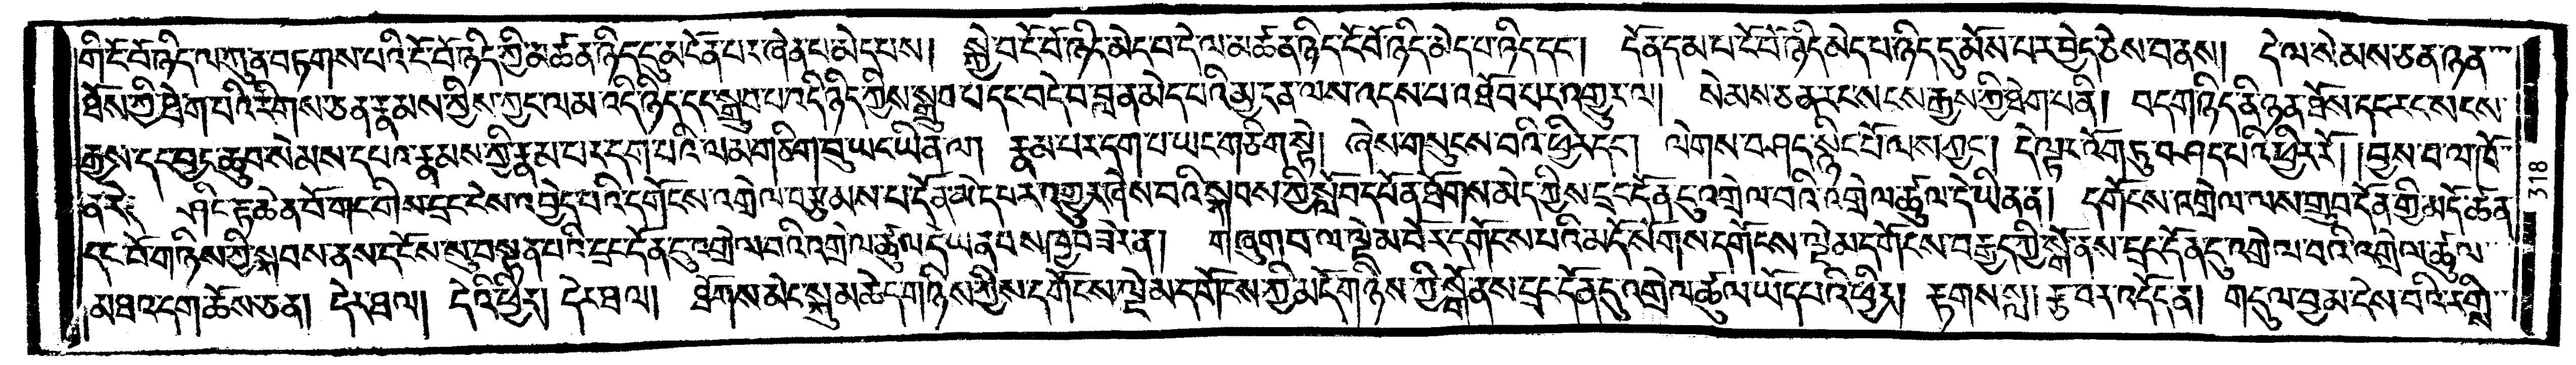གི་ངོ་བོ་ཉིད་ལ་ཀུན་བཏགས་པའི་ངོ་བོ་ཉིད་ཀྱི་མཚན་ཉིད་དུ་མངོན་པར་ཞེན་པ་མེད་པས། སྐྱེ་བ་ངོ་བོ་ཉིད་མེད་པ་དེ་ལ་མཚན་ཉིད་ངོ་བོ་ཉིད་མེད་པ་ཉིད་དང་། དོན་དམ་པ་ངོ་བོ་ཉིད་མེད་པ་ཉིད་དུ་མོས་པར་བྱེད་ཅེས་པ་ནས། དེ་ལ་སེམས་ཅན་ཉན་
ཐོས་ཀྱི་ཐེག་པའི་རིགས་ཅན་རྣམས་ཀྱིས་ཀྱང་ལམ་འདི་ཉིད་དང་སྒྲུབ་པ་འདི་ཉིད་ཀྱིས་སྒྲུབ་པ་དང་བདེ་བ་བླ་ན་མེད་པའི་མྱ་ངན་ལས་འདས་པ་འཐོབ་པར་འགྱུར་ལ། སེམས་ཅན་རང་སངས་རྒྱས་ཀྱི་ཐེག་པ་ནི། བདག་ཉིད་ནི་ཉན་ཐོས་དང་རང་སངས་
རྒྱས་དང་བྱང་ཆུབ་སེམས་དཔའ་རྣམས་ཀྱི་རྣམ་པར་དག་པའི་ལམ་གཅིག་བུ་ཡང་ཡིན་ལ། རྣམ་པར་དག་པ་ཡང་གཅིག་སྟེ། ཞེས་གསུངས་པའི་ཕྱིར་དང་། ལེགས་བཤད་སྙིང་པོ་ལས་ཀྱང་། དེ་ལྟར་འོག་ཏུ་བཤད་པའི་ཕྱིར་རོ། །བྱས་བ་ལ་ཁོ་
ན་རེ༑ ཤིང་རྟ་ཆེན་པོ་གང་གིས་དྲང་ངེས་འབྱེད་པའི་དགོངས་འགྲེལ་བརྩམས་པ་དོན་མེད་པར་འགྱུར་ཞེས་པའི་སྐབས་ཀྱི་སློབ་དཔོན་ཐོགས་མེད་ཀྱིས་དྲང་དོན་དུ་འགྲེལ་བའི་འགྲེལ་ཚུལ་དེ་ཡིན་ན། དགོངས་འགྲེལ་ལས་གྲུབ་དོན་གྱི་མདོ་ཚན་
དང་པོ་གཉིས་ཀྱི་སྐབས་ནས་དངོས་སུ་བསྟན་པའི་དྲང་དོན་དུ་འགྲེལ་བའི་འགྲེལ་ཚུལ་དེ་ཡིན་པས་ཁྱབ་ཟེར་ན། གཞུག་བ་ལ་ལྡེམ་བོར་དགོངས་པའི་མདོ་སོགས་དགོངས་ལྡེམ་དགོངས་བརྒྱད་ཀྱི་སྒོ་ནས་དྲང་དོན་དུ་འགྲེལ་བའི་འགྲེལ་ཚུལ་
མཐའ་དག་ཆོས་ཅན། དེར་ཐལ། དེའི་ཕྱིར། དེར་ཐལ། ཐོགས་མེད་སྐུ་མཆེད་གཉིས་ཀྱིས་དགོངས་ལྡེམ་དགོངས་ཀྱི་མདོ་གཉིས་ཀྱི་སྒོ་ནས་དྲང་དོན་དུ་འགྲེལ་ཚུལ་ཡོད་པའི་ཕྱིར། རྟགས་སླ། རྩ་བར་འདོད་ན། གདུལ་བྱ་མ་ངེས་པའི་རིགས་